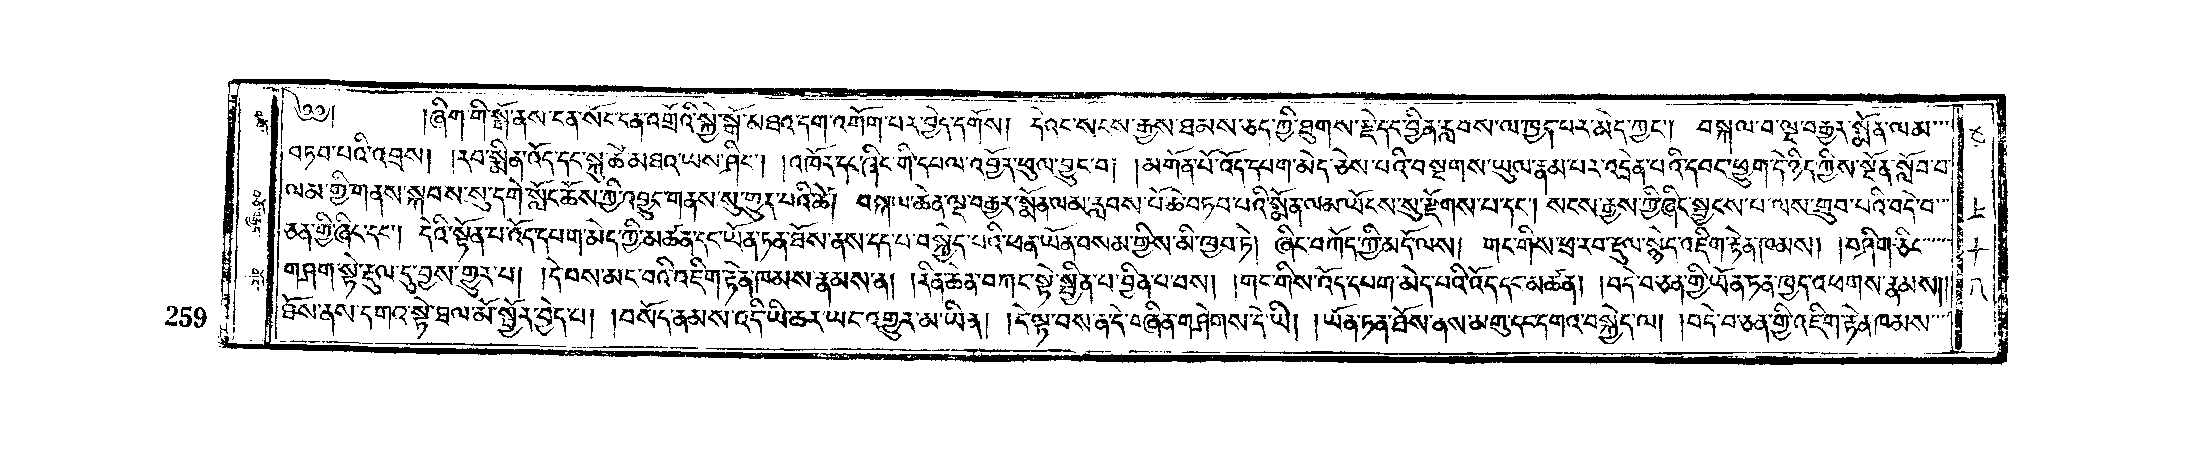༄༅། །ཞིག་གི་སྒོ་ནས་ངན་སོང་ངན་འགྲོའི་སྐྱེ་སྒོ་མཐའ་དག་འགོག་པར་བྱེད་དགོས། དེའང་སངས་རྒྱས་ཐམས་ཅད་ཀྱི་ཐུགས་རྗེ་དང་བྱིན་རླབས་ལ་ཁྱད་པར་མེད་ཀྱང་། བསྐལ་བ་ལྔ་བརྒྱར་སྨོན་ལམ་
བཏབ་པའི་འབྲས། །རབ་སྨིན་འོད་དང་སྐུ་ཚེ་མཐའ་ཡས་ཤིང་། །འཁོར་དང་ཞིང་གི་དཔལ་འབྱོར་ཕུལ་བྱུང་བ། །མགོན་པོ་འོད་དཔག་མེད་ཅེས་པའི་བསྔགས་ཡུལ་རྣམ་པར་འདྲེན་པའི་དབང་ཕྱུག་དེ་ཉིད་ཀྱིས་སྔོན་སློབ་པ་
ལམ་གྱི་གནས་སྐབས་སུ་དགེ་སློང་ཆོས་ཀྱི་འབྱུང་གནས་སུ་གྱུར་པའི་ཚེ། བསྐལ་ཆེན་ལྔ་བརྒྱར་སྨོན་ལམ་རླབས་པོ་ཆེ་བཏབ་པའི་སྨོན་ལམ་ཡོངས་སུ་རྫོགས་པ་དང་། སངས་རྒྱས་ཀྱི་ཞིང་སྦྱངས་པ་ལས་གྲུབ་པའི་བདེ་བ་
ཅན་གྱི་ཞིང་དང་། དེའི་སྟོན་པ་འོད་དཔག་མེད་ཀྱི་མཚན་དང་ཡོན་ཏན་ཐོས་ནས་དད་པ་བསྐྱེད་པའི་ཕན་ཡོན་བསམ་གྱིས་མི་ཁྱབ་ཏེ། ཞིང་བཀོད་ཀྱི་མདོ་ལས། གང་གིས་ཕྲ་རབ་རྡུལ་སྙེད་འཇིག་རྟེན་ཁམས། །བཤིག་ཅིང་
གཤག་སྟེ་རྡུལ་དུ་བྱས་གྱུར་པ། །དེ་བས་མང་བའི་འཇིག་རྟེན་ཁམས་རྣམས་ན། །རིན་ཆེན་བཀང་སྟེ་སྦྱིན་པ་བྱིན་པ་བས། །གང་གིས་འོད་དཔག་མེད་པའི་འོད་དང་མཚན། །བདེ་བ་ཅན་གྱི་ཡོན་ཏན་ཁྱད་འཕགས་རྣམས།
ཐོས་ནས་དགའ་སྟེ་ཐལ་མོ་སྦྱོར་བྱེད་པ། །བསོད་ནམས་འདི་ཡི་ཆར་ཡང་འགྱུར་མ་ཡིན། །དེ་ལྟ་བས་ན་དེ་བཞིན་གཤེགས་དེ་ཡི། །ཡོན་ཏན་ཐོས་ནས་མགུ་དང་དགའ་བསྐྱེད་ལ། །བདེ་བ་ཅན་གྱི་འཇིག་རྟེན་ཁམས་